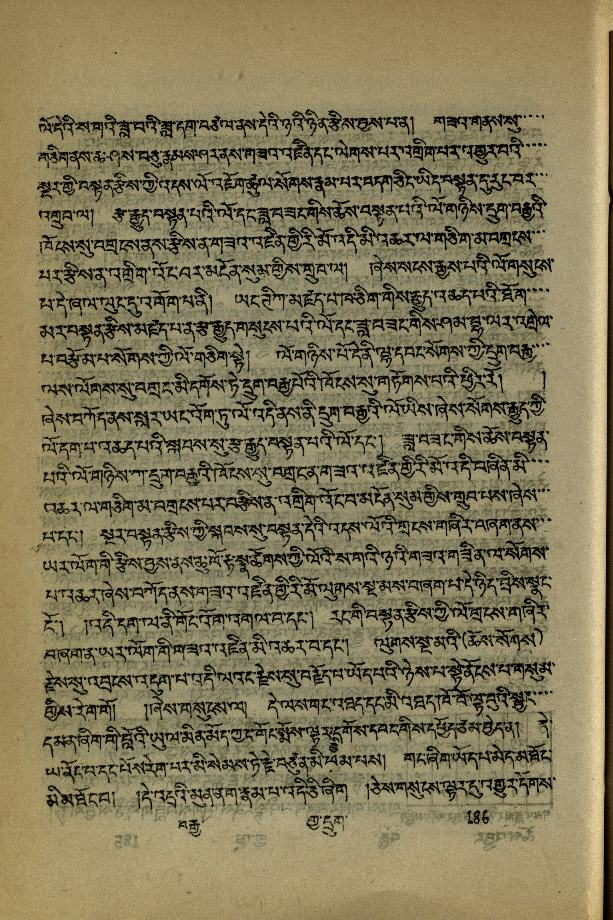ལོ་དེའི་ས་གའི་ཟླ་བའི་ཟླ་དག་བཙལ་ནས་དེའི་ཉའི་ཉིན་རྩིས་བྱས་པ་ན། གཟའ་གནས་སུ་
གཅིག་ནས་ཆ་ཤས་བཅུ་རྣམས་ཤར་ནས་གཟའ་འཛིན་དང་ལེགས་པར་འགྲིག་པར་འགྱུར་བའི་
སྔར་གྱི་བསྟན་རྩིས་ཀྱི་འདས་ལོ་འཇོག་ཚུལ་སོགས་རྣམ་པར་བདག་ཅིང་ཡིད་བསྟན་དུ་རུང་བར་
འགྲུབ་ལ། རྩ་རྒྱུད་བསྟན་པའི་ལོ་དང་ཟླ་བཟང་གིས་ཆོས་བསྟན་པའི་ལོ་གཉིས་དྲུག་བརྒྱའི་
ཁོངས་སུ་བགྲངས་ནས་རྩིས་ན་གཟའ་འཛིན་གྱི་རི་མོ་འདི་མི་འཆར་ལ་གཅིག་མ་བགྲངས་
པར་རྩིས་ན་འགྲིག་འོང་བར་མངོན་སུམ་གྱིས་གྲུབ་ལ། ཞེས་སངས་རྒྱས་པའི་ལོ་གསུངས་
པ་དེ་ཞལ་ལུང་དུ་འགོག་པ་ནི། ཡང་ཊིཀ་མཛད་པ་ཁ་ཅིག་གིས་རྒྱུད་འཆད་པའི་ཐོག་
མར་བསྟན་རྩིས་མཛད་པ་ན་རྩ་རྒྱུད་གསུངས་པའི་ལོ་དང་ཟླ་བཟང་གིས་ཤམ་བྷ་ལར་འགྲེལ་
པ་བརྩོམ་པ་སོགས་ཀྱི་ལོ་གཅིག་སྟེ། ལོ་གཉིས་པོ་དེ་ནི་ལྷ་དབང་སོགས་ཀྱི་དྲུག་བརྒྱ་
ལས་ལོགས་སུ་བགྲང་མི་དགོས་ཏེ་དྲུག་བརྒྱ་པོའི་ཁོངས་སུ་གཏོགས་པའི་ཕྱིར་རོ། །
ཞེས་བཀོད་ནས་སླར་ཡང་འོག་ཏུ་ལོ་འདི་ནས་ནི་དྲུག་བརྒྱའི་ལོ་ཡིས་ཞེས་སོགས་རྒྱུད་ཀྱི་
ལོ་དག་པ་འཆད་པའི་སྐབས་སུ་རྩ་རྒྱུད་བསྟན་པའི་ལོ་དང་། ཟླ་བཟང་གིས་ཆོས་བསྟན་
པའི་ལོ་གཉིས་ཀ་དྲུག་བརྒྱའི་ཁོངས་སུ་བགྲང་ན་གཟའ་འཛིན་གྱི་རི་མོ་འདི་བཞིན་མི་
འཆར་ལ་གཅིག་མ་བགྲངས་པར་བརྩིས་ན་འགྲིག་འོང་བ་མངོན་སུམ་གྱིས་གྲུབ་པས་ཞེས་
པ་དང་། སྔར་བསྟན་རྩིས་ཀྱི་སྐབས་སུ་བསྟན་དེའི་འདས་ལོའི་གྲངས་གཞིར་བཞག་ནས་
ཡར་ལོག་གི་རྩིས་བྱས་ནས་ཆུ་ཕོ་རྟ་སྣ་ཚོགས་ཀྱི་ལོའི་ས་གའི་ཉའི་གཟའ་གཟིན་ལ་སོགས་
པ་འཆར་ཞེས་བཀོད་ནས་གཟའ་འཛིན་གྱི་རི་མོ་ལུགས་སྔ་མས་བཞག་པ་དེ་ཉིད་བྲིས་སྣང་
ངོ། །འདི་དག་ལ་ནི་གོང་འོག་འགལ་བ་དང་། རང་གི་བསྟན་རྩིས་ཀྱི་ལོ་གྲངས་གཞིར་
བཞག་ན་ཡར་ལོག་གི་གཟའ་འཛིན་མི་འཆར་བ་དང་། ལུགས་སྔ་མའི་ཆོས་སོགས
རྗེས་སུ་འབྲངས་འདུག་པ་འདི་ལའང་རྗེས་སུ་བརྗོད་པ་ཡོད་པའི་ཉེས་པ་སྟེ་ནོངས་པ་གསུམ་
གྱིས་རེག་གོ། །ཞེས་གསུངས་ལ། དེ་ལས་གང་འཐད་དང་མི་འཐད་ཁོ་བོ་ལྟ་བུའི་སྦྱང་
དམན་ཞིག་གི་བློའི་ཡུལ་མིན་མདོ་ཀྱང་གོང་སྨོས་ལྟར་དགོས་དབང་གིས་དཔྱོད་ཙམ་བྱེད་ན་།དེ་
ཡ་ནོང་པ་དང་པོས་རེག་པར་མི་སེམས་ཏེ་རྗེ་བཙུན་མི་ཕམ་པས། གང་ཞིག་ཡོད་པ་མེད་མ་ཐོང་
མི་མཐོང་བ། །དེ་འདྲའི་མུན་ནག་རྣམ་པ་འདི་ཅི་ཞིག །ཅེས་གསུངས་ལྟར་དུ་འགྱུར་དོགས་